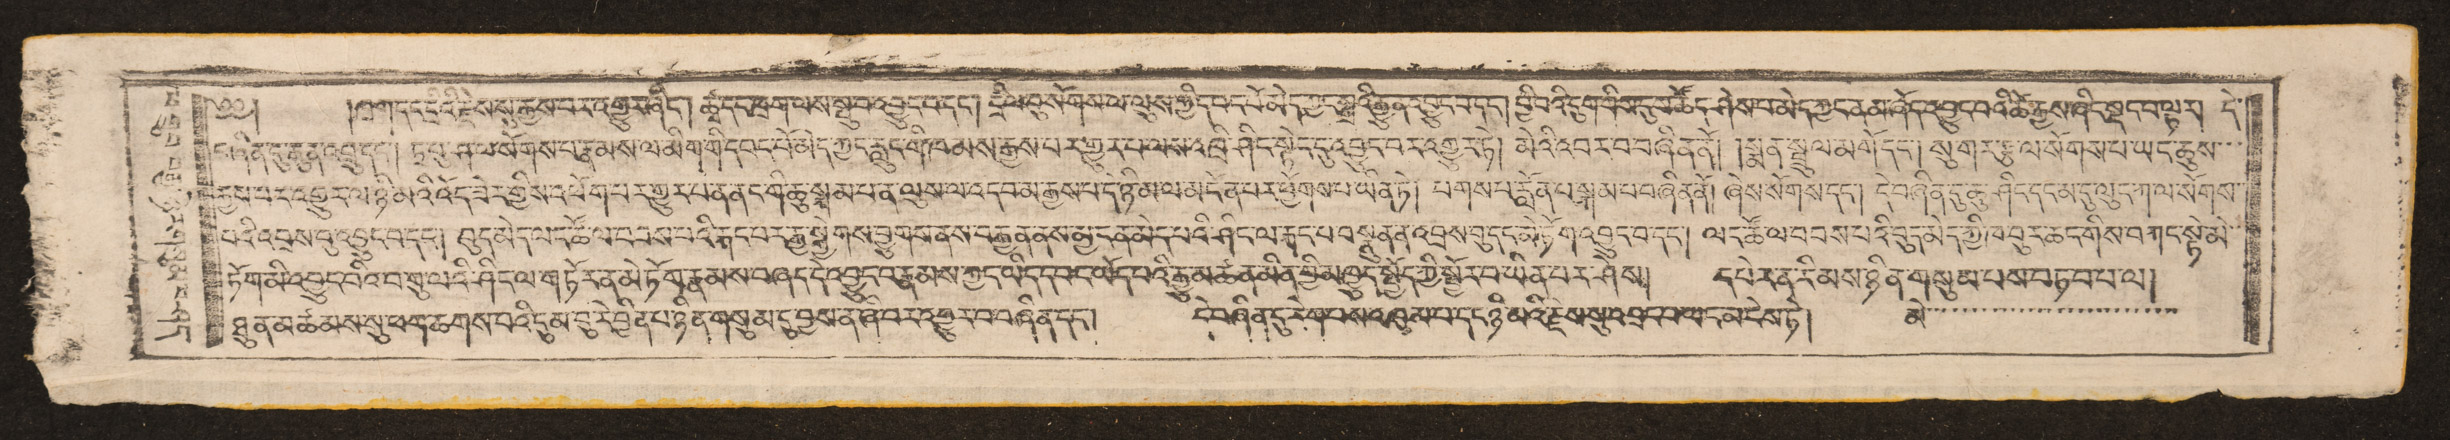༄༅། །ཁྲག་དང་དྲིའི་རྗེས་སུ་རྒྱས་བར་འགྱུར་ཞིང་། ཚྭ་དང་ཁྲག་ལས་སྤུབ་འབྱུང་ལ་དང་། དྲིལ་དུ་སོགས་ལ་ལུས་ཀྱི་དབང་པོ་མེད་ཀྱང་སྒྲའི་རྒྱུན་འབྱུང་བ་དང་། བྱི་བའི་དུག་གིས་དུས་ཚོད་ཤེས་པ་མེད་ཀྱང་ནམ་ཞོད་འབྱུང་བའི་ཚོ་རྒྱས་ཞིང་སྡང་བ་ལྟར། དེ་
བཞིན་དུ་རྒུན་འབྲུ་དང་། ཧྲ་བུ་ཤལ་སོགས་བ་རྣམས་ལ་མིག་གི་དབང་པོ་མེད་ཀྱང་རླུང་གི་ཁམས་རྒྱས་པར་གྱུར་བ་ལས་འཁྲི་ཤིང་སྟེང་དུ་འབྱུང་བར་འགྱུར་ཏེ། མེའི་འབར་བ་བཞིན་ནོ། །སྨན་སྤྲུལ་མགོ་དང་། སུ་གར་རྩ་ལ་སོགས་པ་ཡང་ཆུས་
རྒྱས་པར་འགྱུར་ལ་ཉི་མའི་འོད་ཟེར་གྱིས་འཕོག་པར་གྱུར་པ་ན་ནང་གི་ཆུ་སྐམ་པ་ན་ལུས་ལ་འདབ་མ་རྒྱས་བ་དེ་ཉི་མ་ལ་མངོན་པར་ཕྱོགས་པ་ཡིན་ཏེ། པགས་པ་རློན་པ་སྐམ་པ་བཞིན་ནོ། ཞེས་སོགས་དང་། དེ་བཞིན་དུ་ཆུ་ཤིང་དང་མདུ་ལུང་ཀ་ལ་སོགས་
པའི་འབྲས་པུ་འབྱུང་བ་དང་། བུད་མེད་ལང་ཚོ་ལ་བབས་པའི་རྐང་པར་རྒྱ་སྐྱེགས་བྱུགས་ནས་བརྒྱན་ནས་མྱ་ངན་མེད་པའི་ཤིང་ལ་རྐང་པ་བསྣུན་ན་འབྲས་བུ་དང་མེ་ཏོག་འབྱུང་བ་དང་། ལང་ཆོལ་བབས་པའི་བུད་མེད་ཀྱི་ཁ་བུར་ཆང་གིས་བཀང་སྟེ་མེ་
ཏོག་མི་འབྱུང་བའི་བ་གུ་ལའི་ཤིང་ལག་ཏོར་ན་མེ་ཏོག་རྣམས་བཞད་དེ་འབྱུང་བ་རྣམས་ཀྱང་ཡིད་དབང་ཡོད་པའི་རྒྱུ་མཚན་མིན་གྱི་མཁྱུད་སྤྱོད་ཀྱི་སྦྱོར་བ་ཡིན་པར་ཤེས། དཔེར་ན་རིམས་ཉིན་གསུམ་པས་བཏབ་པ་ལ།
ཐུན་མཚམས་སུ་ཕག་ཆགས་པའི་དུམ་བུ་རེ་བྱིན་པ་ཉིན་གསུམ་དུ་བྱས་ན་ཞི་བར་འགྱུར་བ་བཞིན་དང་། དེ་བཞིན་དུ་རེག་པས་འཁུམ་བ་དང་ཉི་མའི་རྗེས་སུ་འབྲང་བ་ཡང་མ་ངེས་ཏེ། མེ་